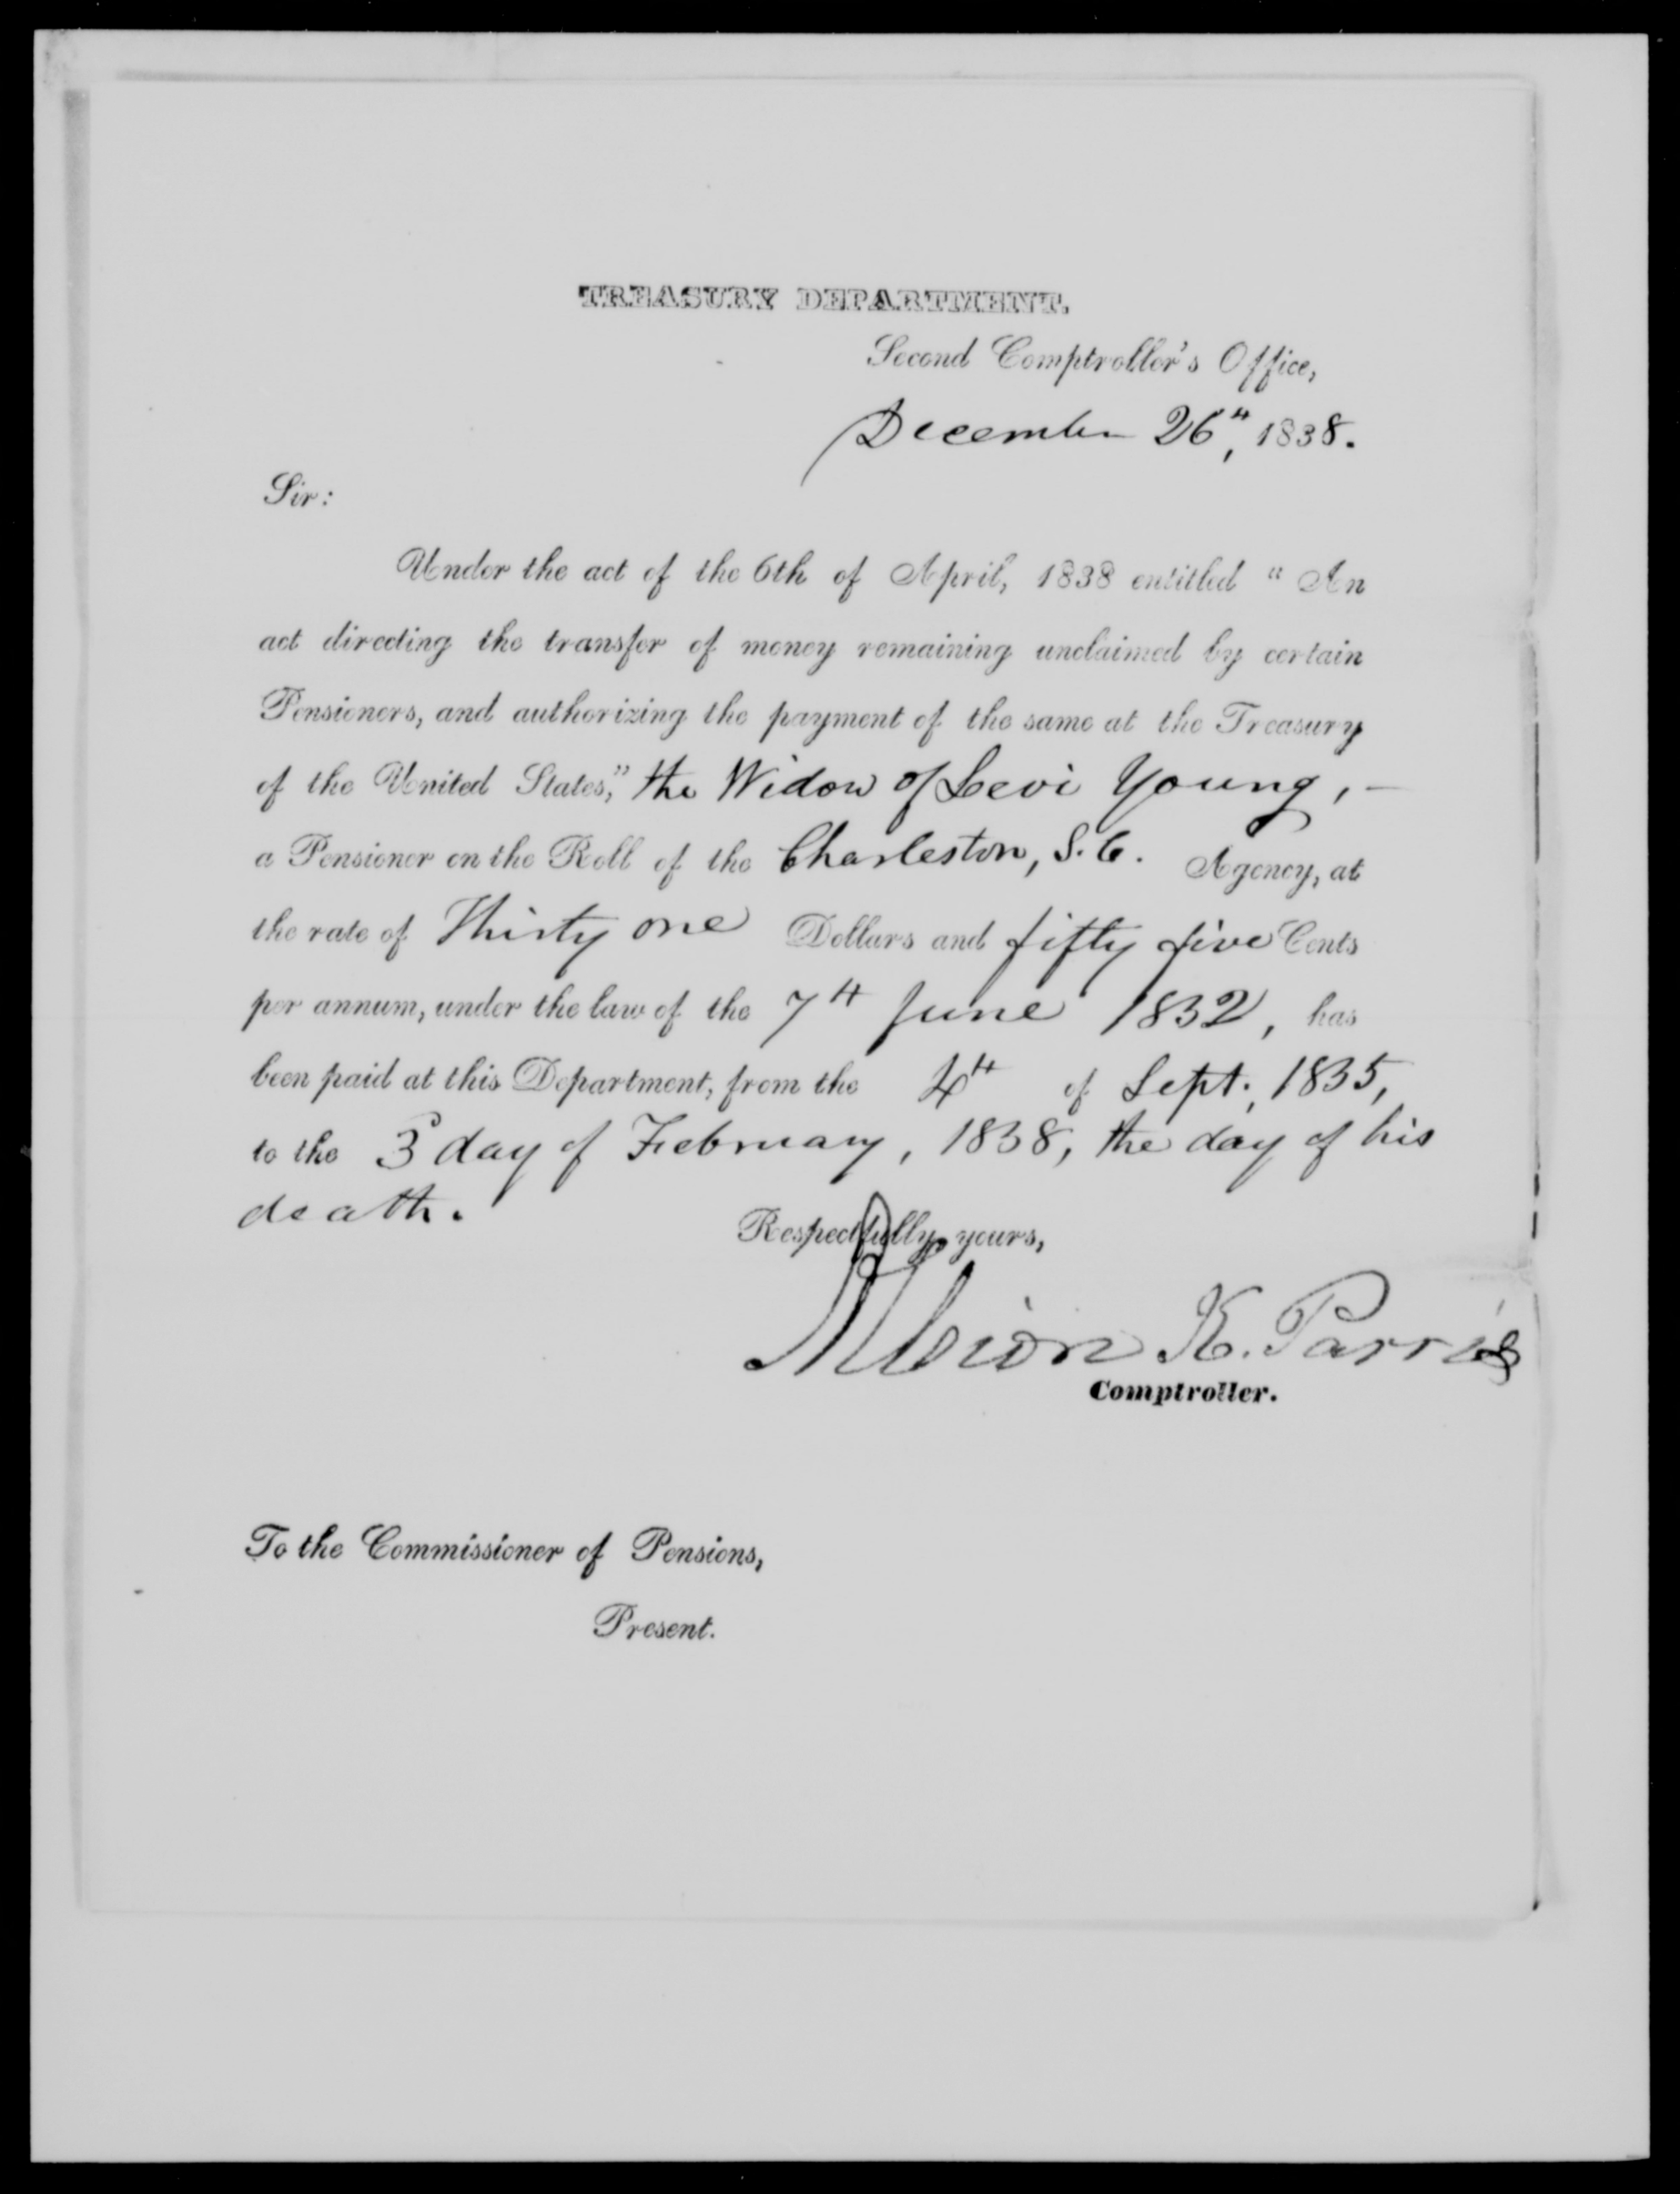TREASURY DEPARTMENT.
Second Comptroller's Office,
December 25", 1838
Sir:
Under the act of the 5th of April, 1838 entitled "An
act directing the transfer of money remaining unclaimed by certain
Pensioners, and authorizing the payment of the same at the Treasury
of the United States," the Widow of Levy Young,
a Pensioner on the Roll of the Charleston, S.C. [South Carolina] Agency, at
the rate of Thirty one Dollars and fifty five Cents
per annum, under the law of the 7th June 1832, has
been paid at the Department, from the 4th of Sept. 1835,
to the 3d day of February, 1838, the day of his
death.
Respectfully yours,
Albion K. Parris
Comptroller.

To the Commissioner of Pensions,
Present.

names: Albion K Parris, Levi Young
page: 52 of 56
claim: widow's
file: W. 9040, Levi Young, Ga. New Jersey S.C.